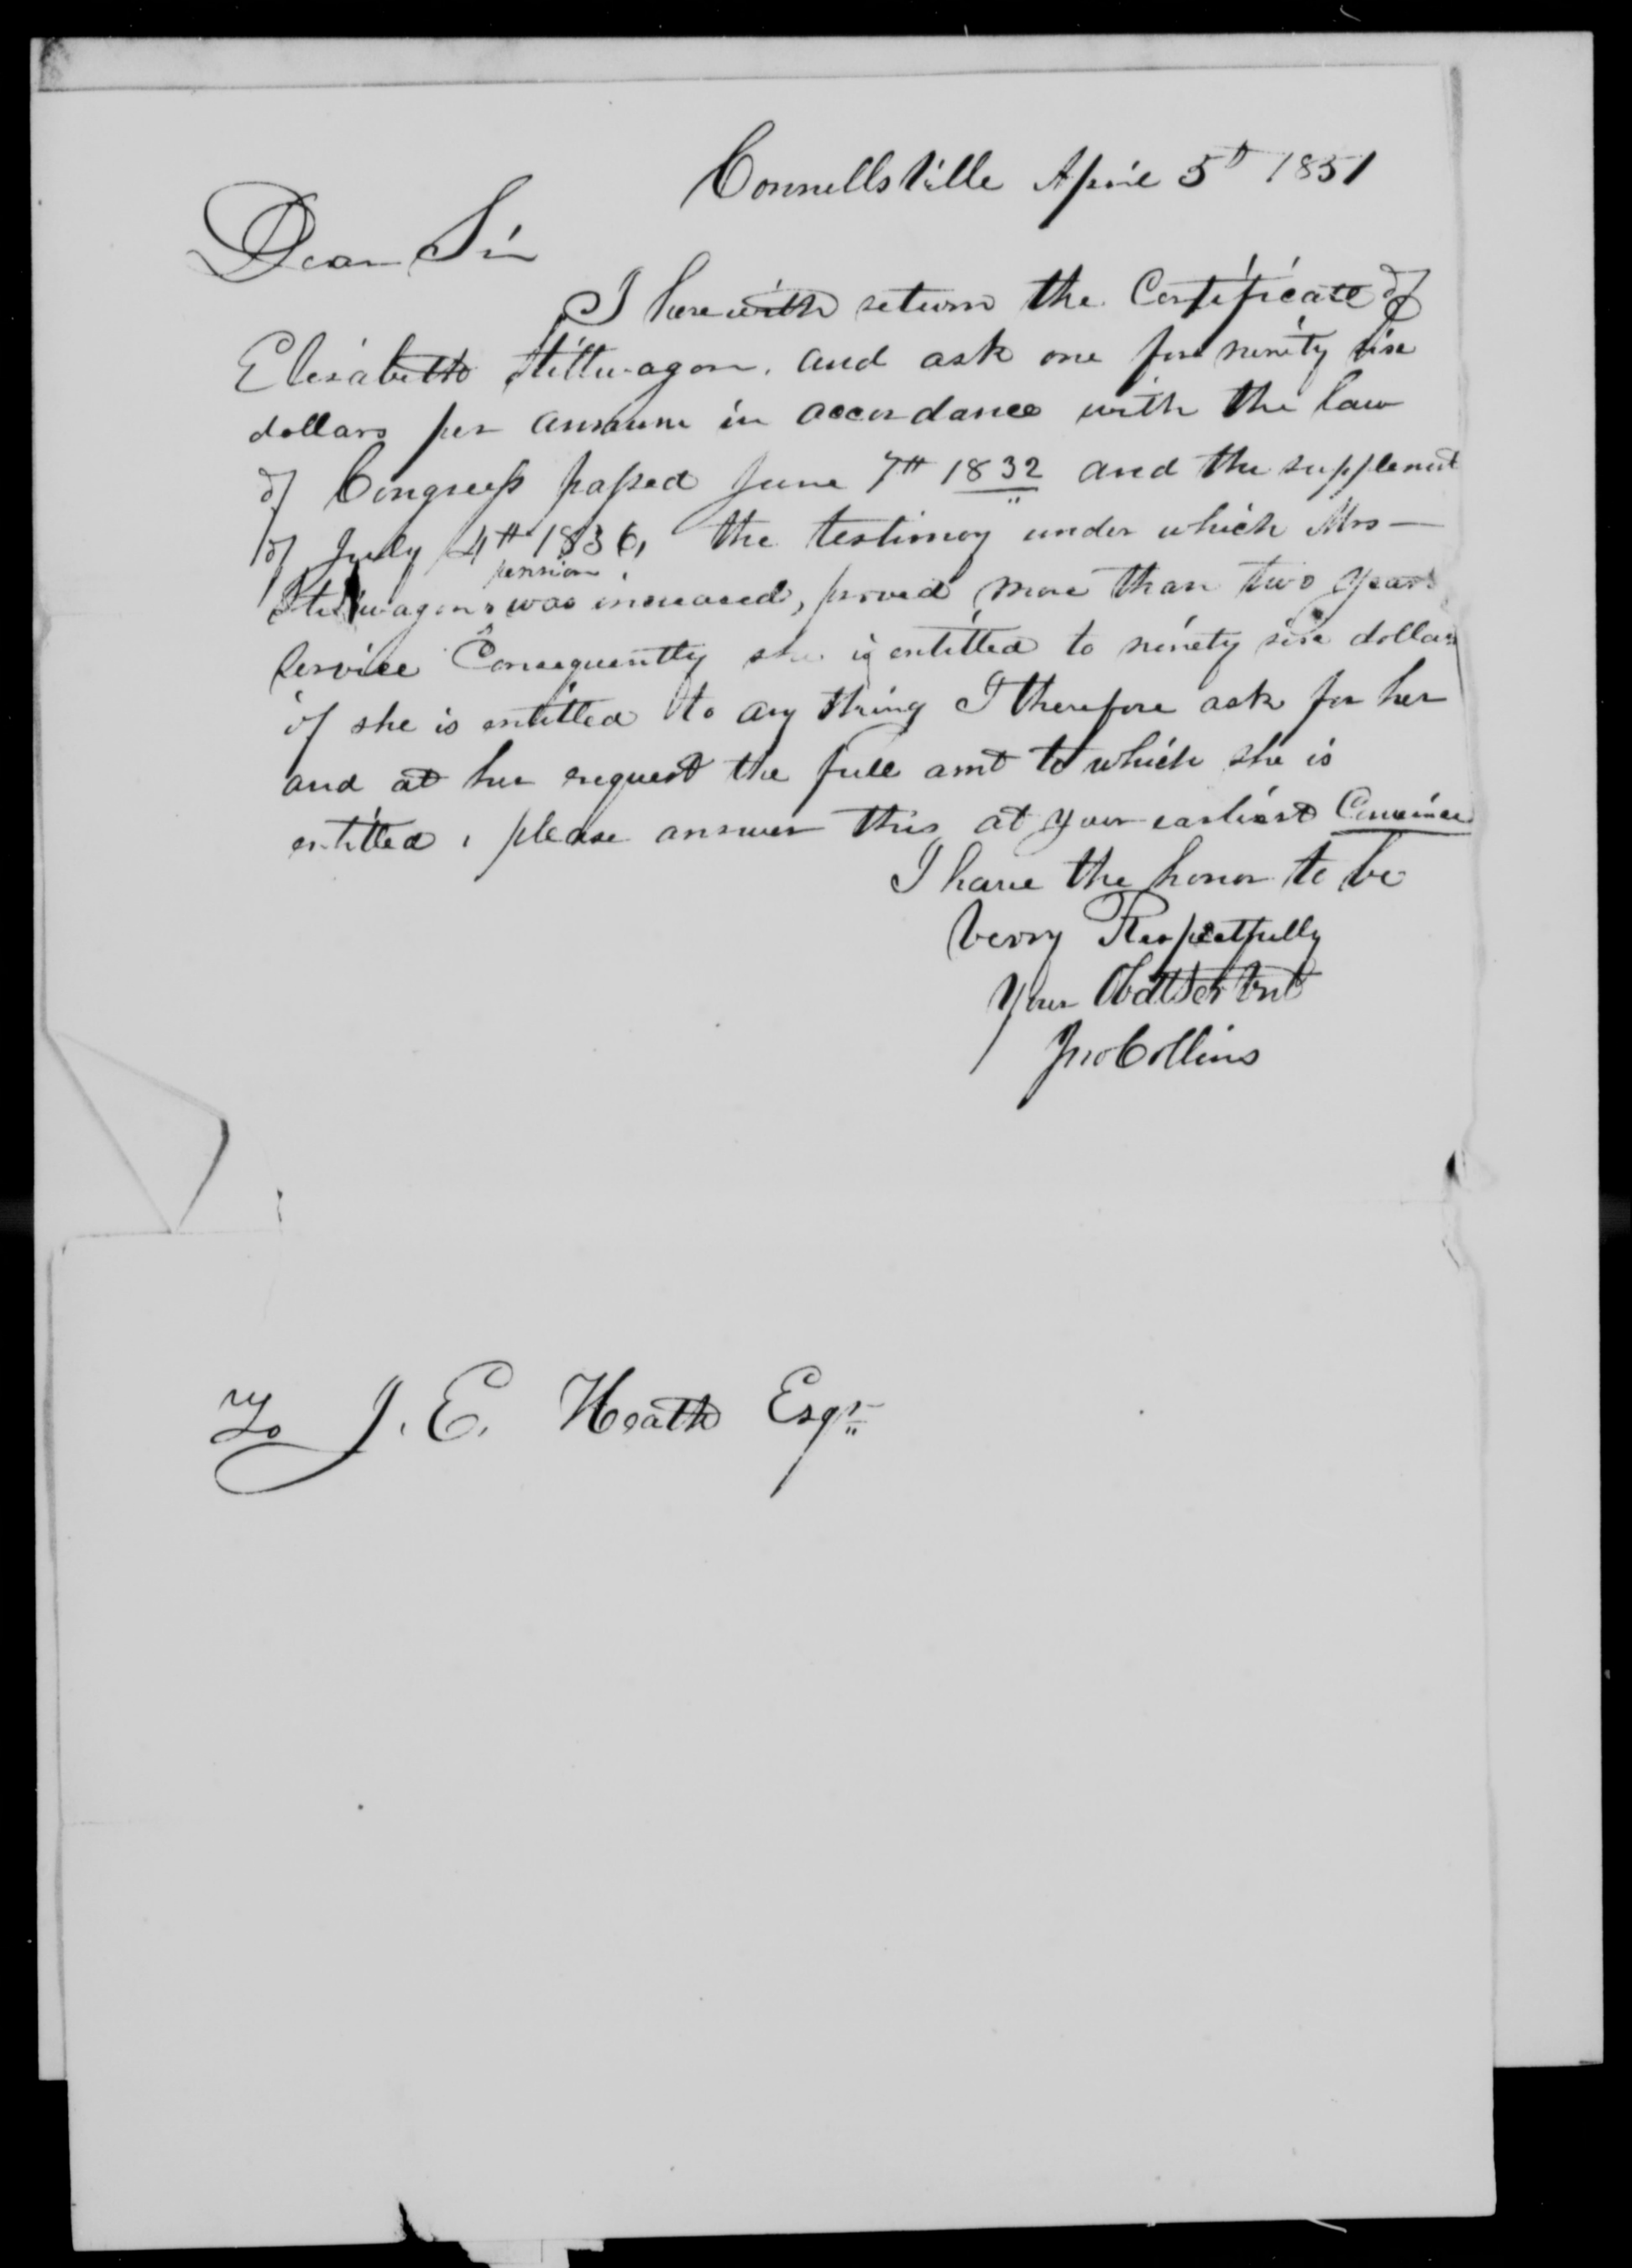Connellsville April 5th 1851

Dear Sir

I herewith return the Certificate of Elisabeth Stillwagon and ask one for ninety nine dollars per annum in accordance with the law of Congress passed June 7th 1832 and the supplement of July 4th 1836, the testimony under which Mrs. Stillwagon’s pension was increased, [illegible] more than two years service. Consequently she is entitled to ninety nine dollars if she is entitled to anything. I therefore ask for her and at her request the full amt to which she is entitled. Please answer at your earliest convenience.

I have the honor to be
Very Respectfully
Your Obdt Servant
Jno Collins

To J. E. Heath Esq.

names: [BLANK] Stillwagon; J E Heath; Jno Collins; Elisabeth Stillwagon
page: 52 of 73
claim: widow's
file: W. 3197, for Peter Stillwagon, New Jersey